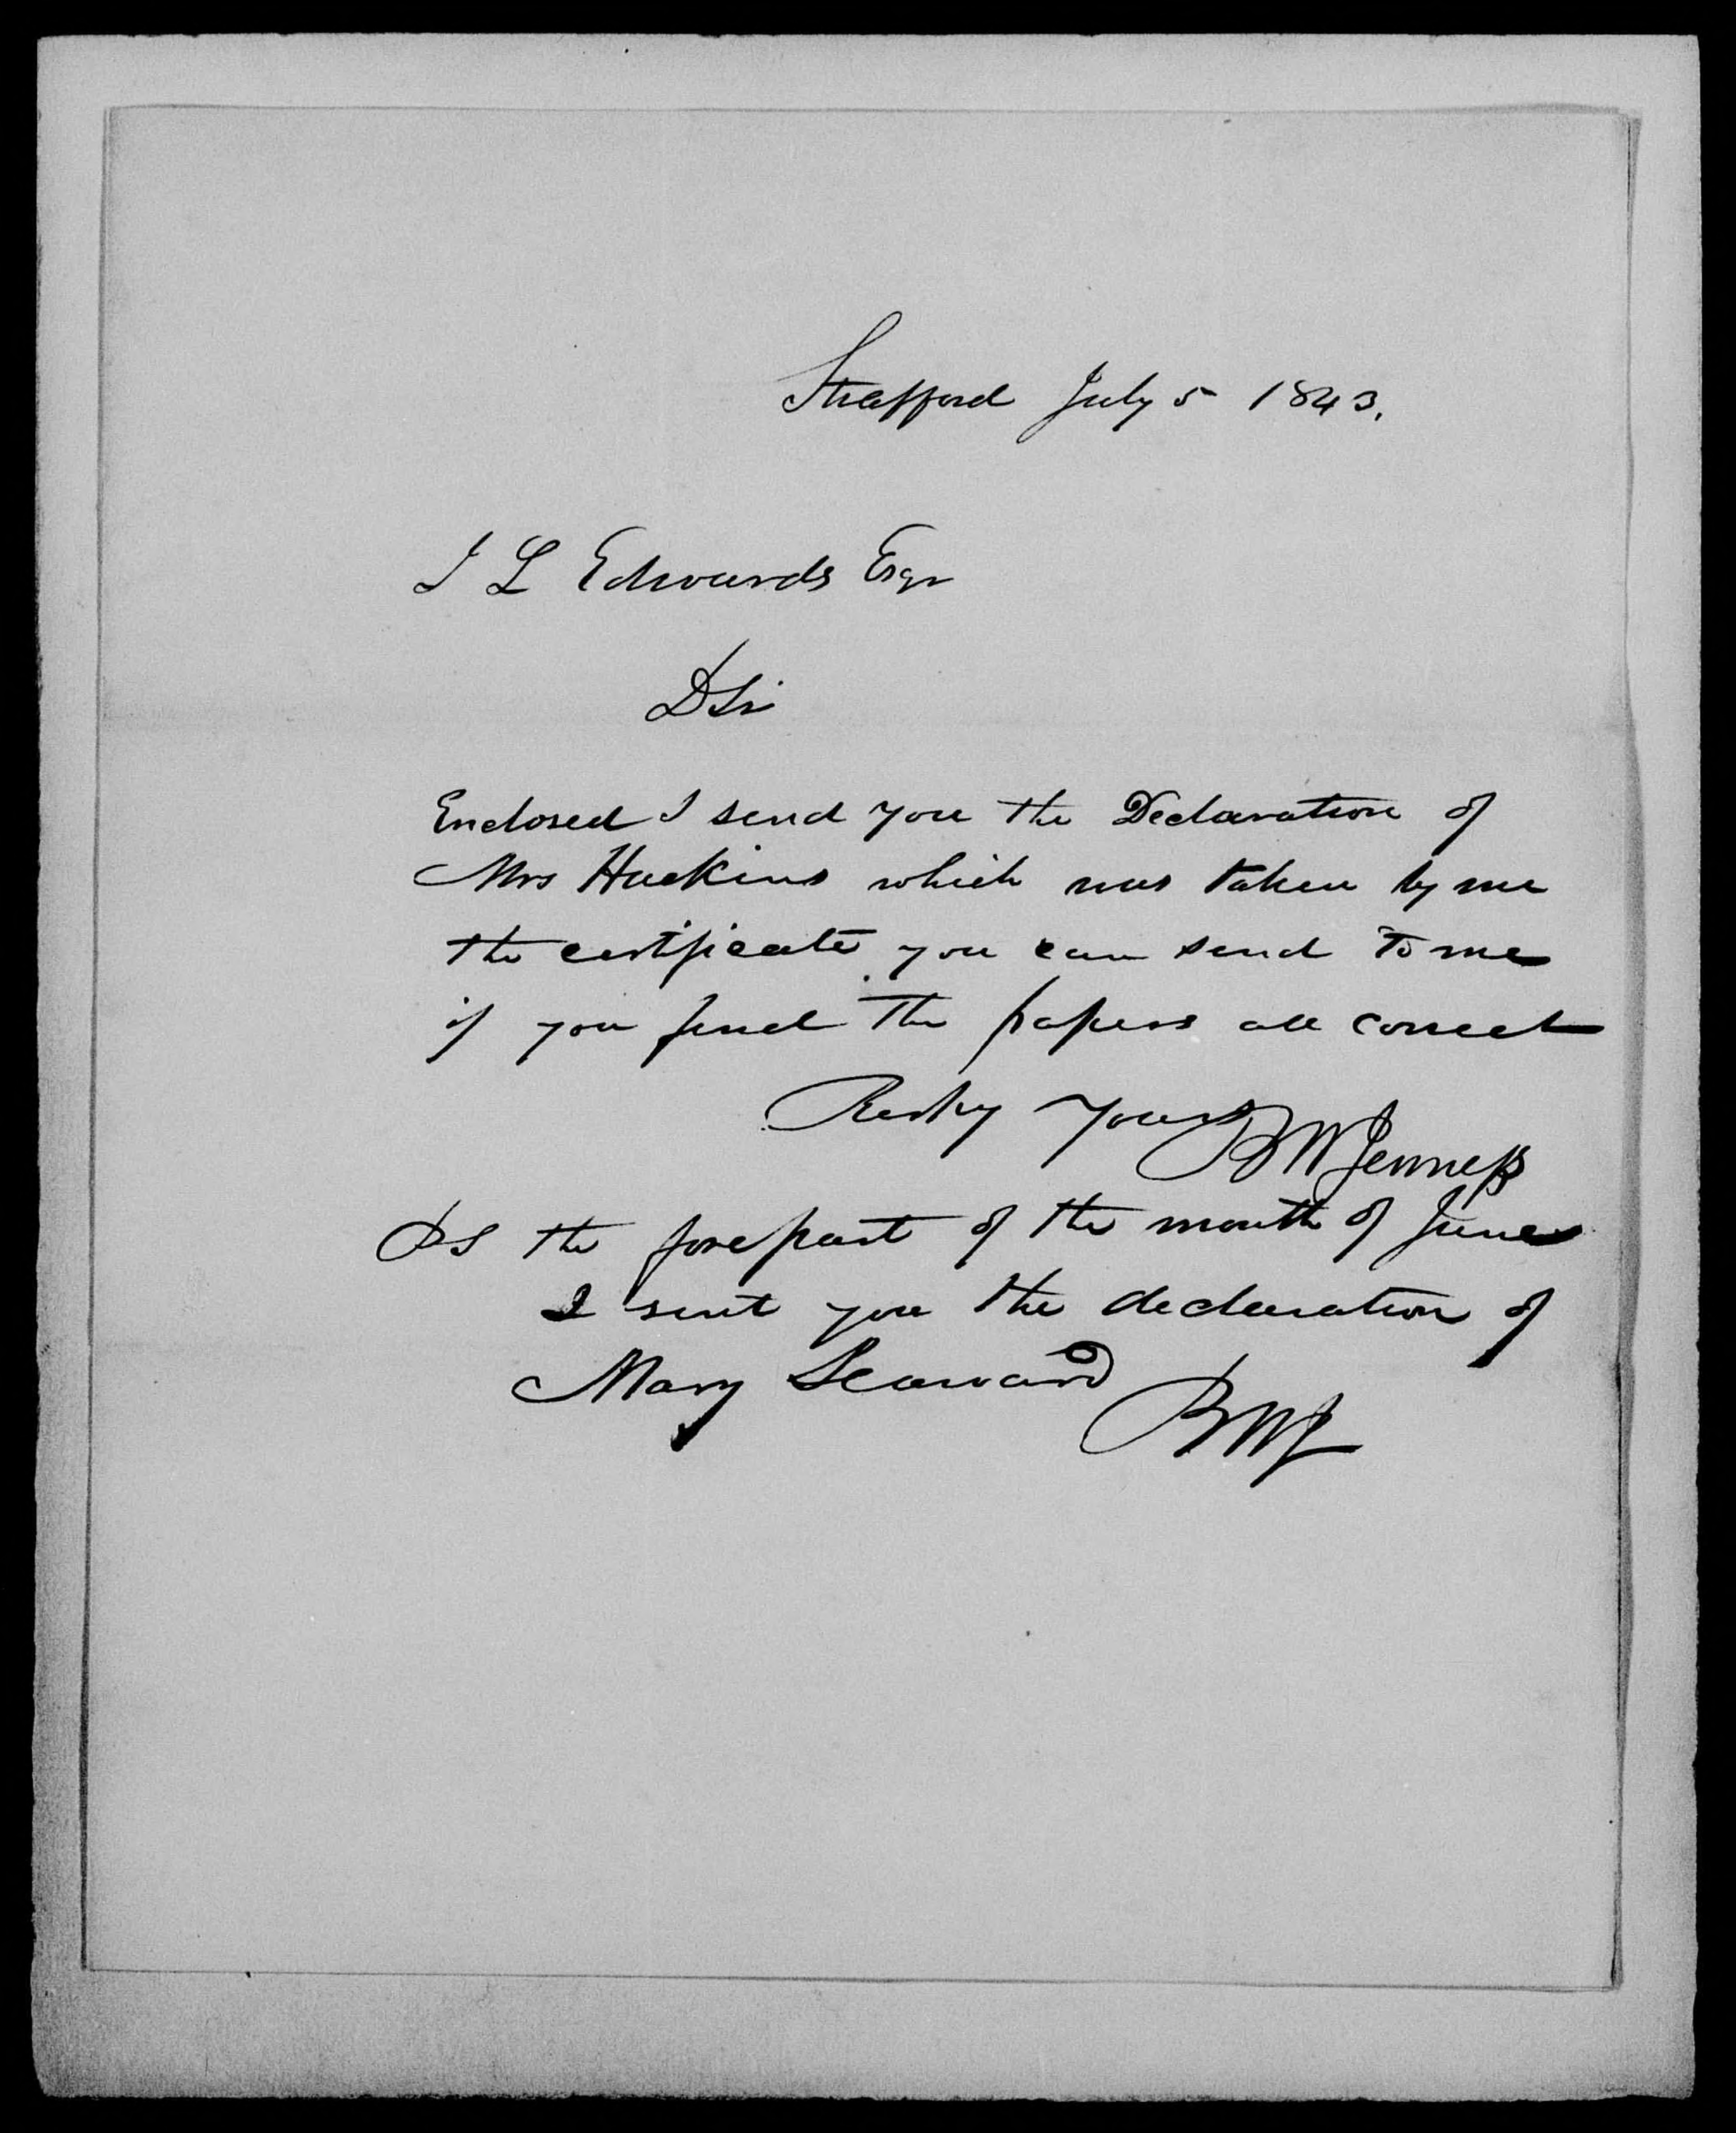Strafford July 5th 1843
J L Edwards Esq

Sir,
Enclosed I send you the Declaration of Mrs. Huckins which was taken by me. The certificate you can send to me if you find the papers all correct.

Respectfully Yours,
BW Jenness

At the forepart of the month of June I sent you the declaration of Mary Leonard
BNL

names: Huckins, Mary Seaward, B W Jenness, J L Edwards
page: 27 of 35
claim: widow's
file: W. 16127, Israel Huckins, N.H.